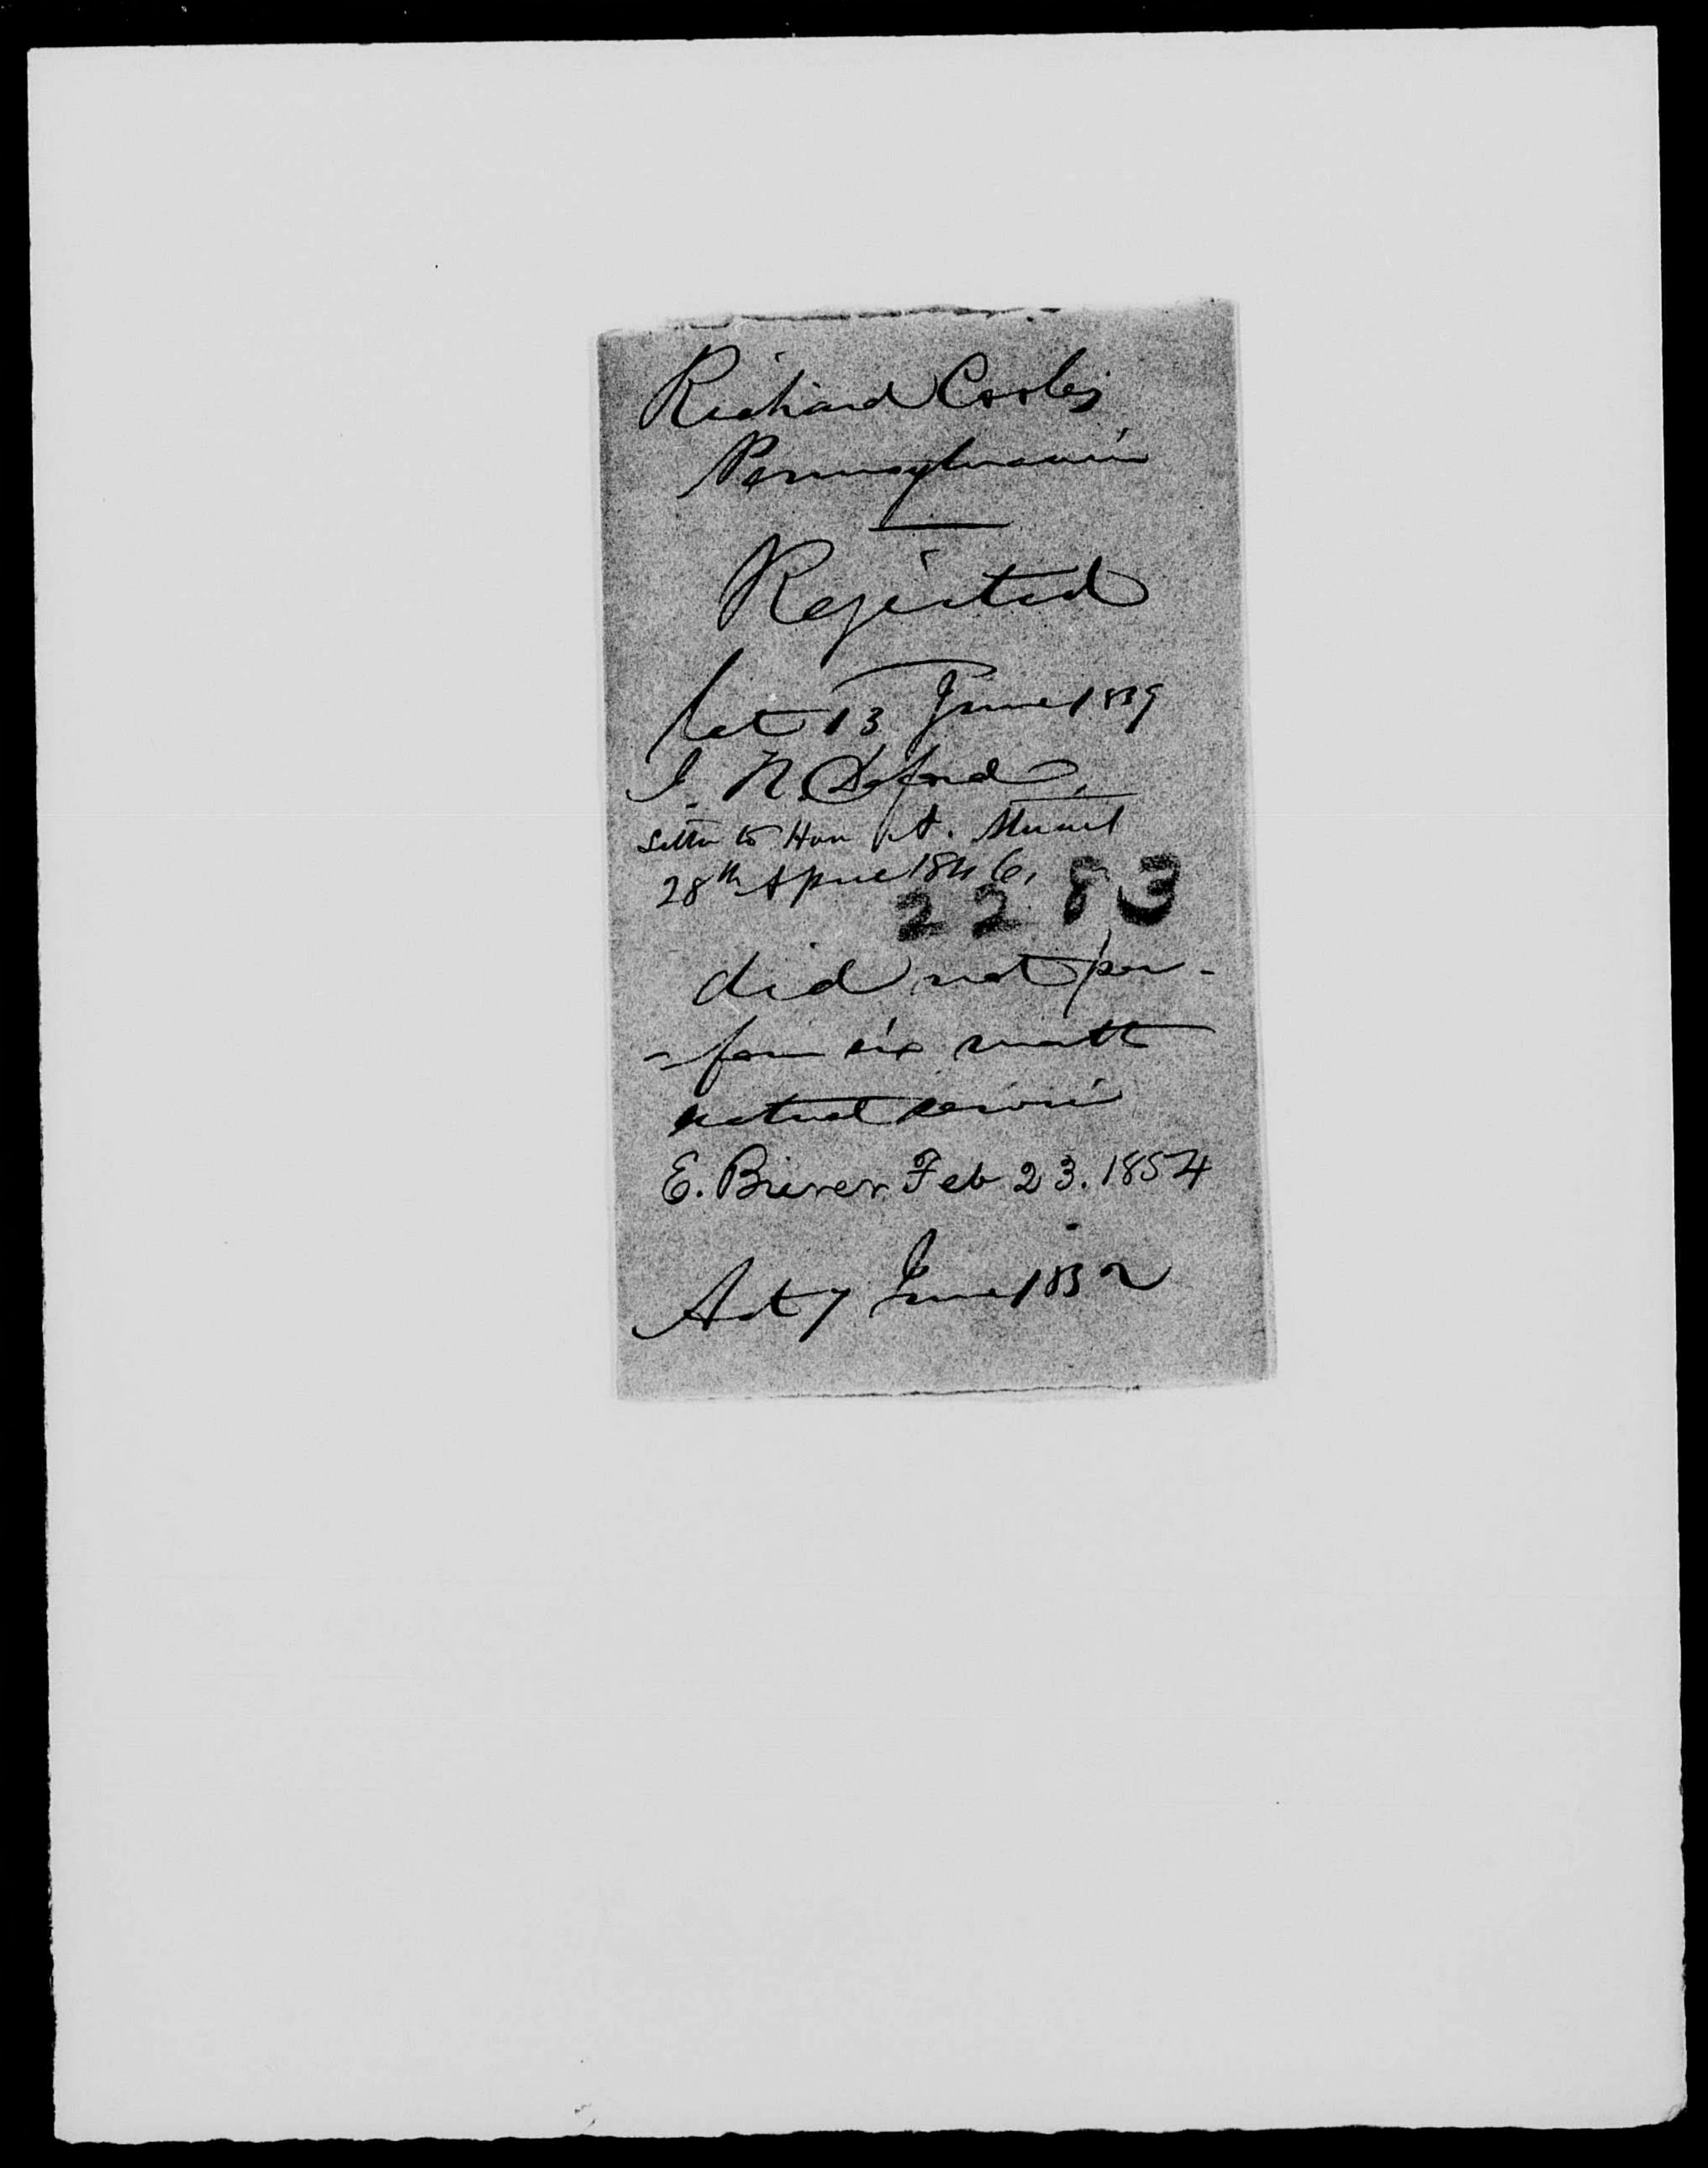Richard Cooley
Pennsylvania
Rejected
let 13 June 1839
[illegible]. N. Saford,
letter to Hon A. [illegible]
28th April 1846, 
2283
did not perform six months national service 
E. Briner Feb 23. 1854
Act of June 1832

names: J N Deford, A Munet, E Bierer, Richard Cooley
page: 15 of 19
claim: rejected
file: R. 2,283, Richard Cooley, Md.